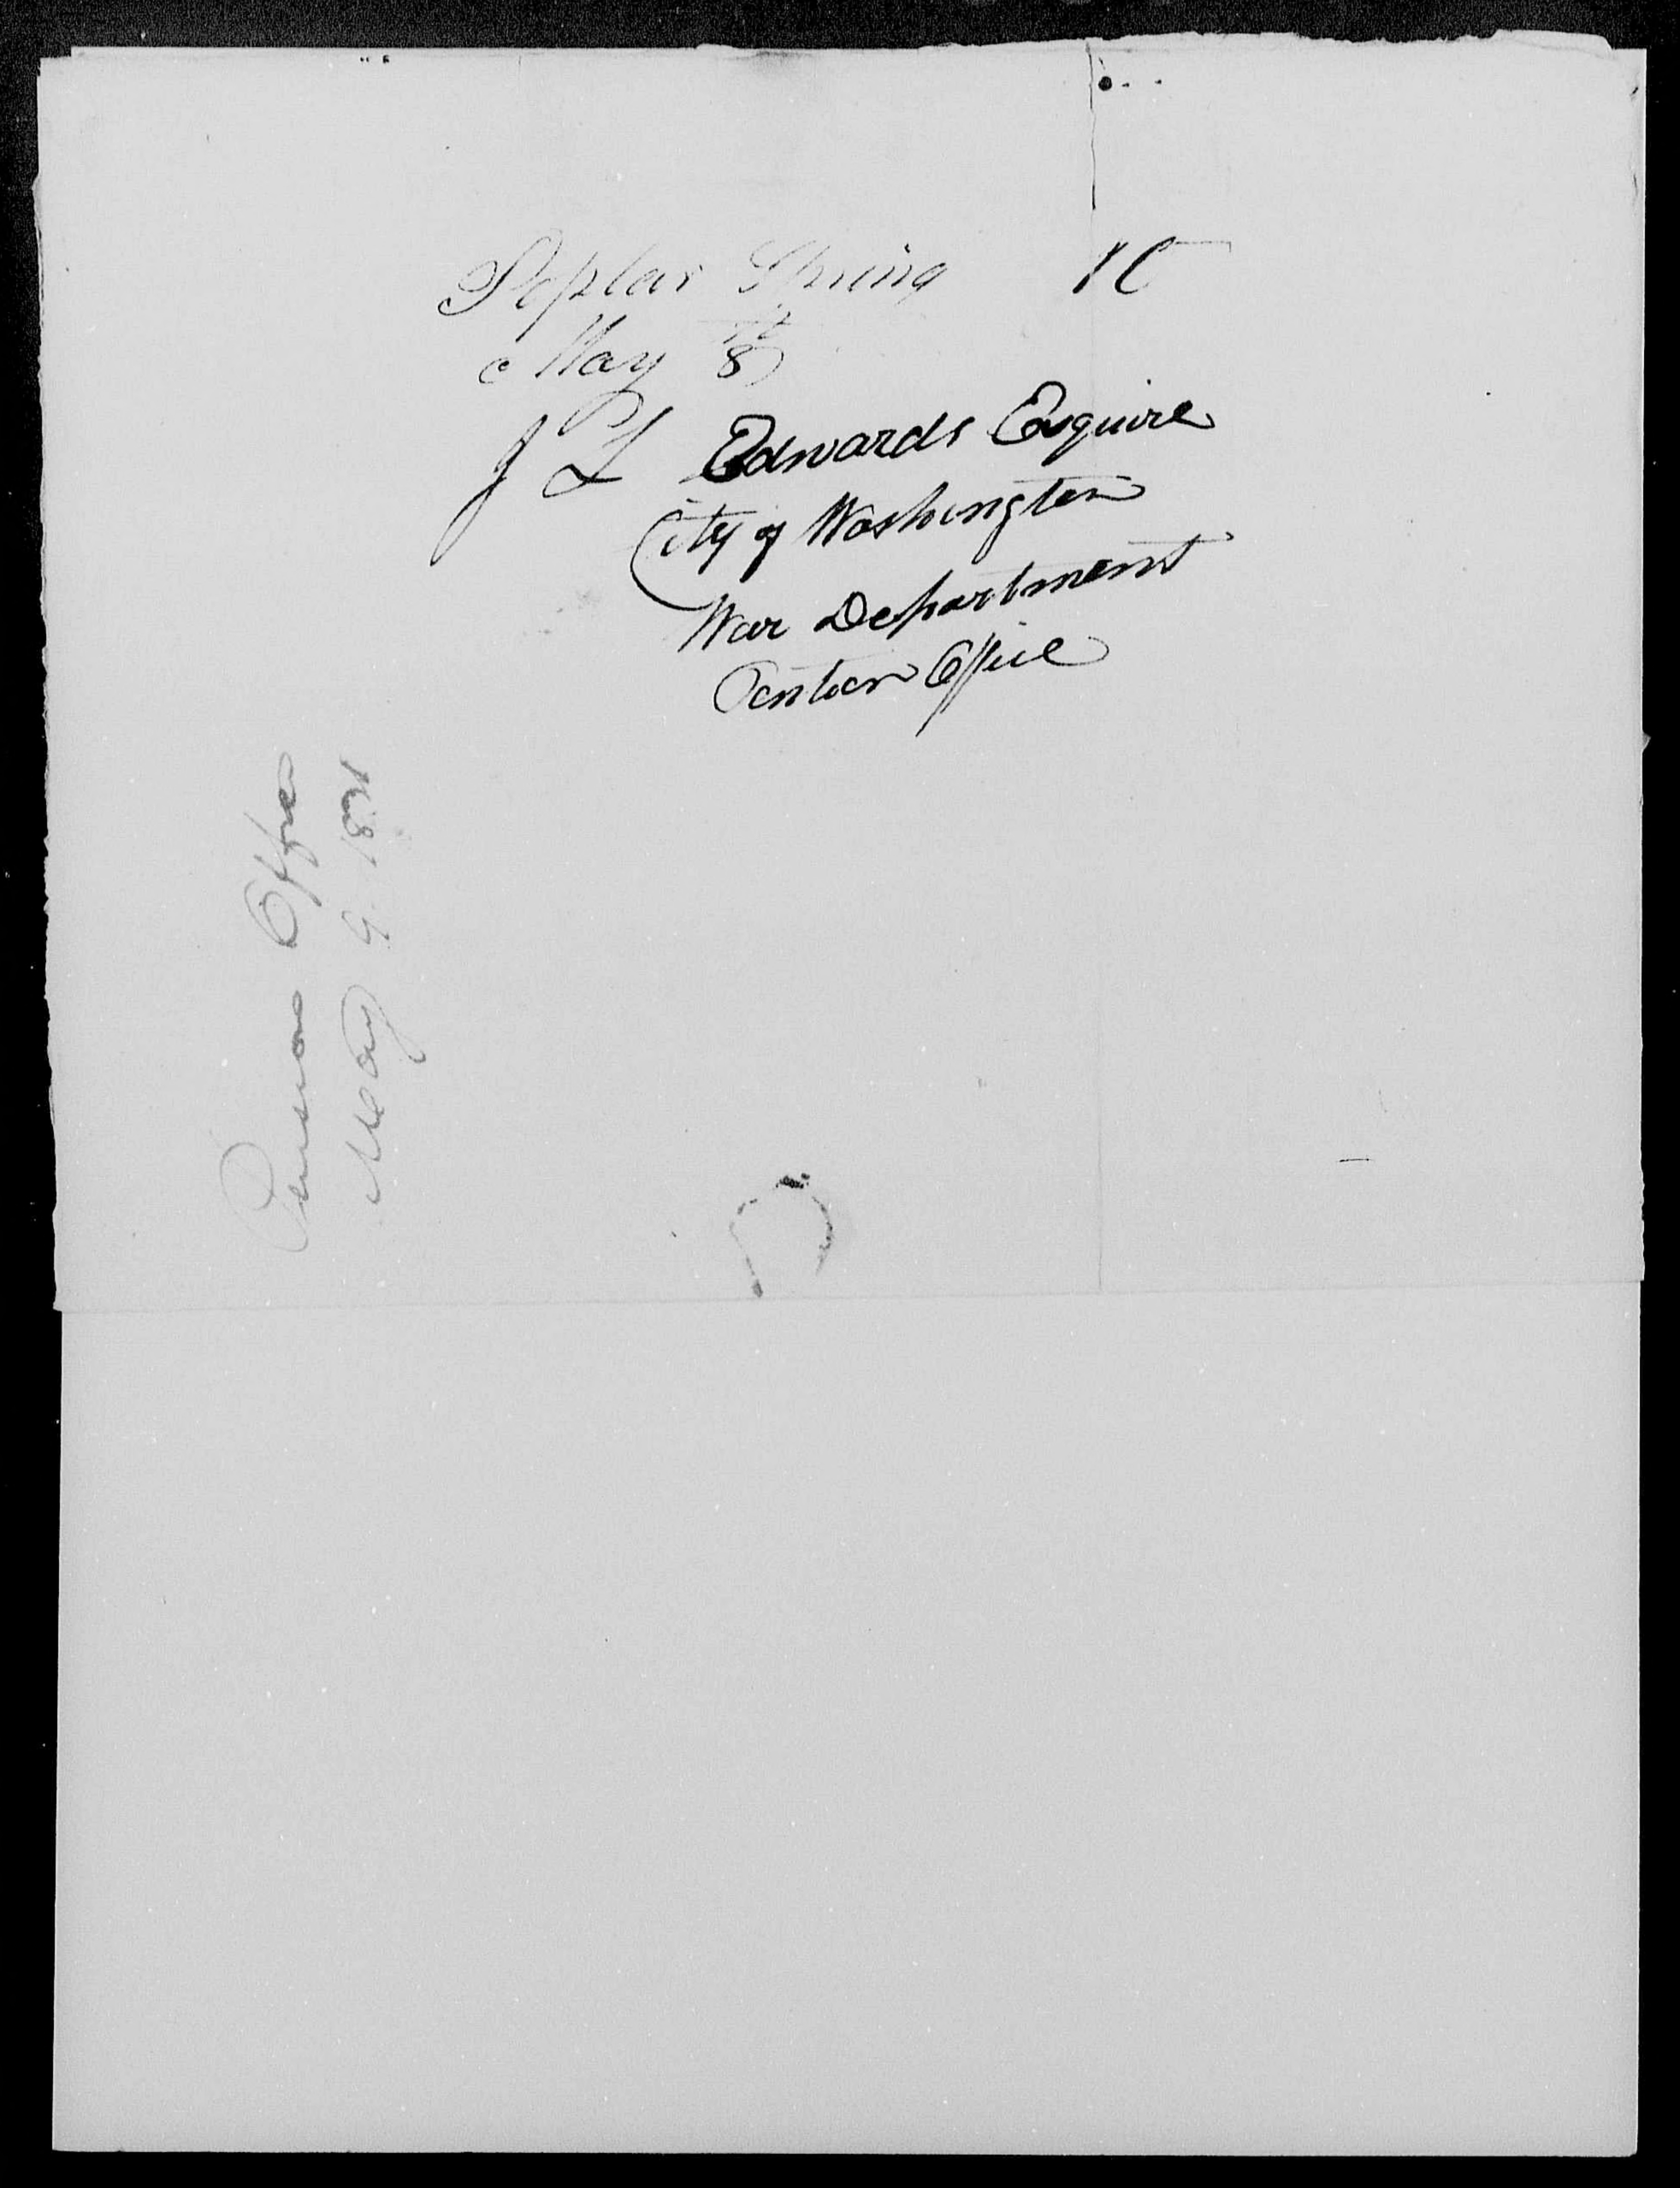Poplar Springs
May 8th

J L Edwards Esquire
City of Washington
War Department
Pension Office

Pension Office
May 9, 1831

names: J L Edwards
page: 21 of 30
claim: survivor's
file: S. 10093, James Blewer, Md.